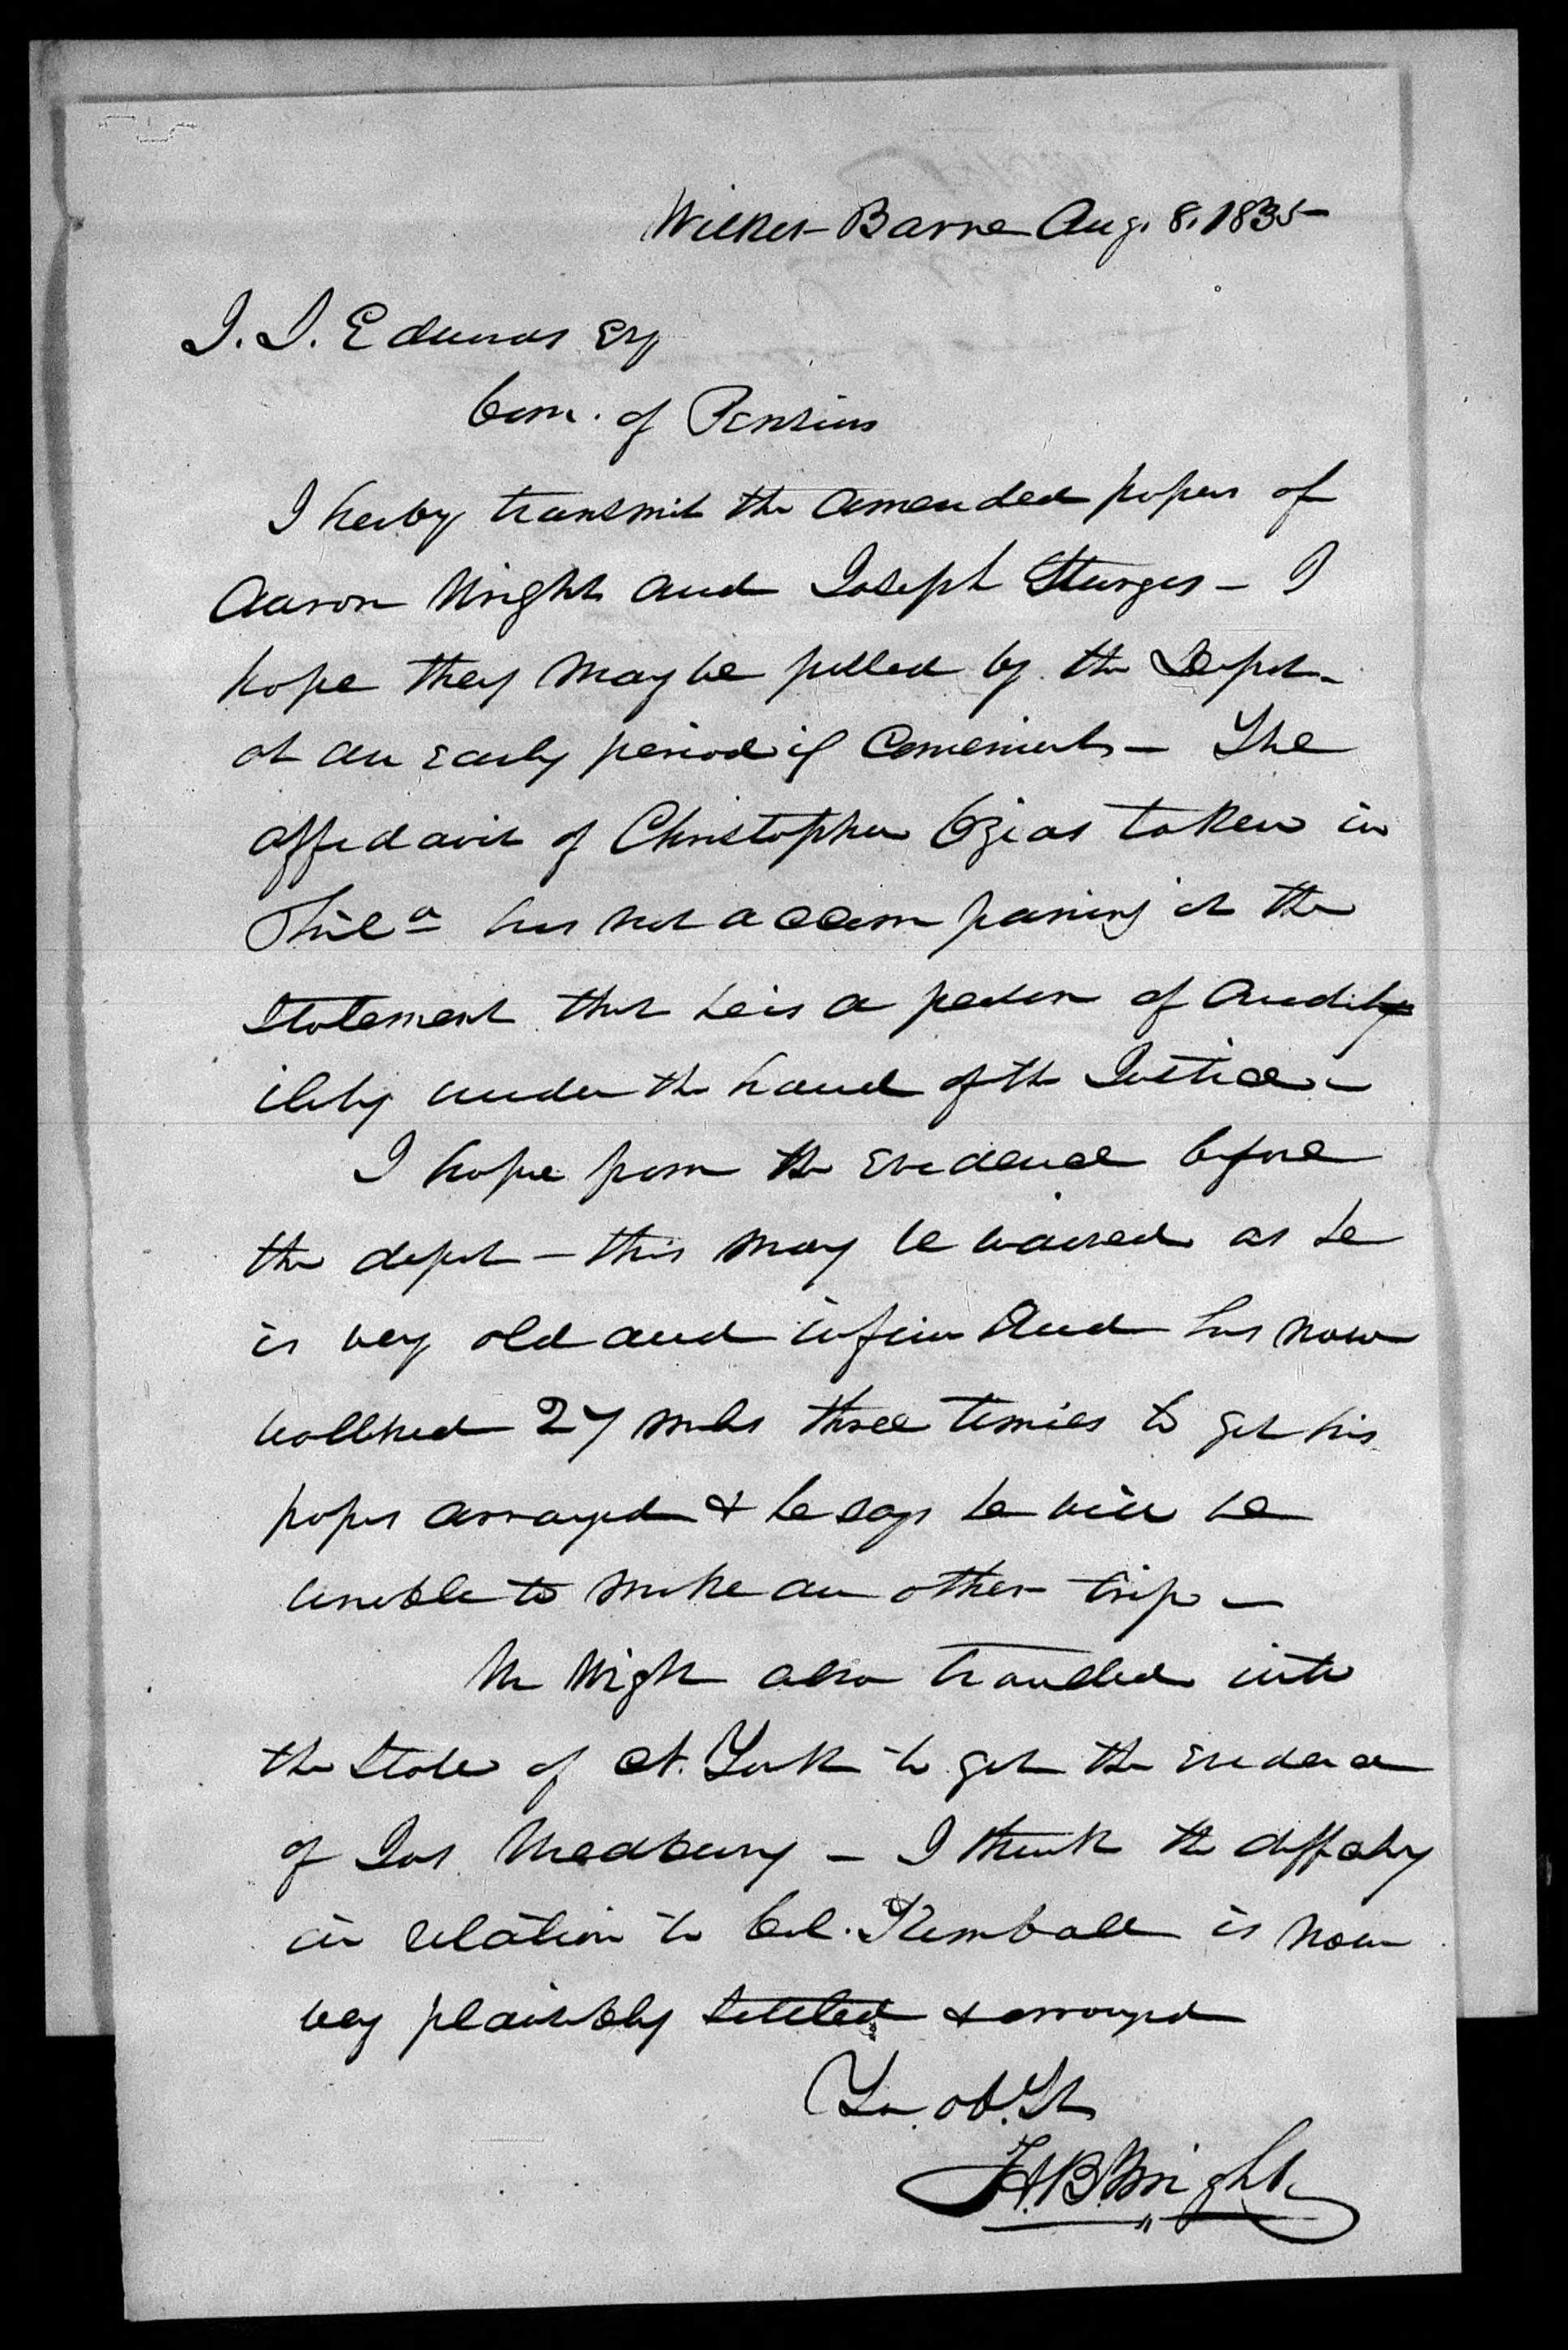Wilkes Barre Aug 8, 1835    
J. L. Edwards Esq      
Com of Pensions    
I hereby transmit the amended papers of Aaron Wright and Joseph Sturges - I hope they may be pulled by the Dept at an early period if convenient. The affidavit of Christopher Ozias taken in Phil’a has not accompaning in the statement that he is a person of credibility under the hand of the Justice – 
I hope from the evidence before the depot - this may be waived as he is very old and infirm and has now walked 27 miles three times to get his papers arrayed & he says he will be unable to make another trip - - 
We Might also traveled into the State of N. York to get the evidence of Jas Medbury - I think the difficulty in relation to Col Trumball is now by plausably settled & [unreadable]
Your Obt Svt.
 H.B. Wright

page: 31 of 31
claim: survivor's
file: S. 6154, for Joseph Sturgis, Pennsylvania